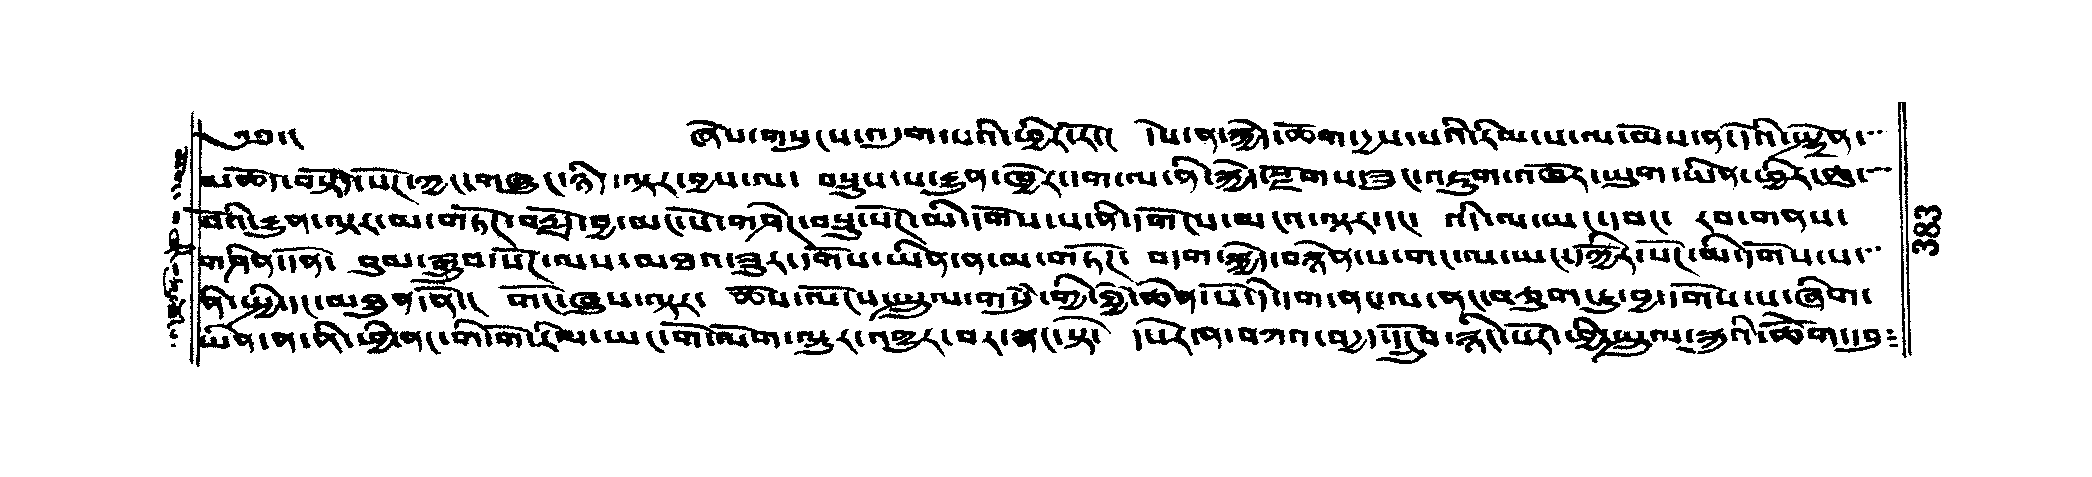ཞེས་གསུངས་འདུག་པའི་ཕྱིར་རོ། དེས་ན་བསྐྱེད་ཆོག་རྒྱས་པའི་རིམ་པ་ལ་མོས་ན་དེའི་ཡོན་ཏན་
མཆོད་བསྟོད་སོགས་ཀྱང་གཞུང་ཉིད་ལྟར་བྱས་ལ། བསྡུས་པ་རྒྱུན་ཁྱེར་ག་ལ་ནི་བསྐྱེད་རྫོགས་ཟུང་འཇུག་འཁོར་ཡུག་ཡིན་ཕྱིར་ཆུ་
བོའི་རྒྱུན་ལྟར་མ་གཏོགས་བརྗོད་བྱ་མང་པོ་གཤེགས་བསྡུ་སོགས་མི་དགོས་པ་ནི་དགོངས་མངའ་ལྟར་དང་། འདི་ལ་ཡང་དབང་། རབ་གནས། 
གཤིན་དོན། བུམ་སྒྲུབ་སོགས་ལས་མཐའ་ཟུར་དགོས་ཡིན་ན་མ་གཏོགས། བདག་བསྐྱེད་བསྙེན་པ་གང་ལ་ཡང་དཀྱིལ་འཁོར་སོགས་མི་དགོས་པ་
ནི་སྤྱི་དང་མཐུན་ནོ།གོང་ཞུས་ལྟར། ཆོས་ལོངས་སྤྲུལ་གསུམ་གྱི་ཐེགས་རྗེ་ཆེན་པོ་དེ་དག་ནང་ལ་ནང་བཅུག་ཏུ་དགོས་པ་ཞིག་
ཡིན་ན་ནི་ཕྱི་ནང་གི་གོ་རིམ་ཡང་གོ་ལོག་ལྟ་བུར་འགྱུར་བར་སྣང་སྟེ། དཔེར་ན་བཀའ་བརྒྱད་དངོས་གྲུབ་སྙིང་པོར་ཕྱི་སྤྲུལ་སྐུའི་ཆེ་ཆོག་དབུ་